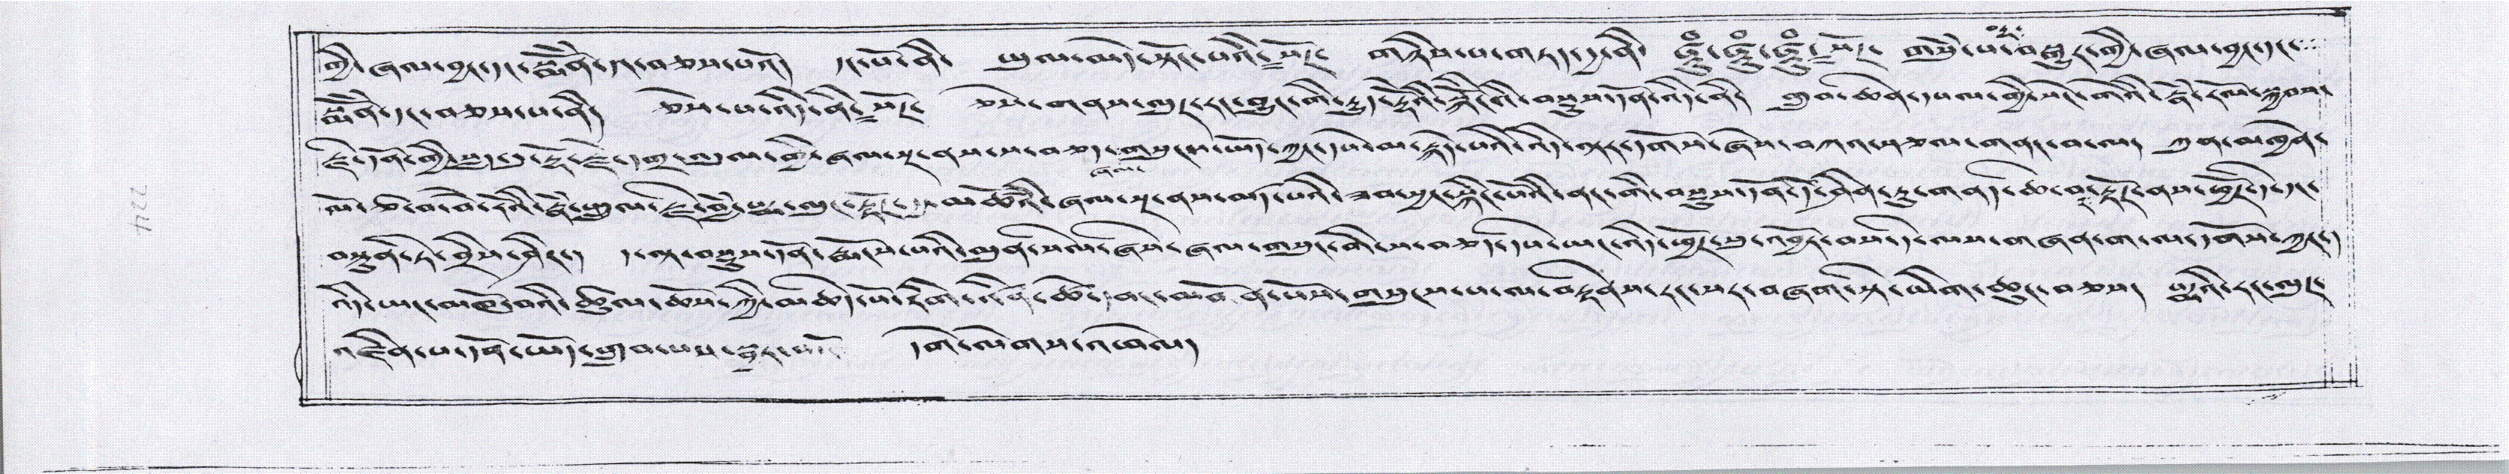གྱི་ཞལ་བྱང་དང་སྨོན་ལམ་དང་བཅས་པའོ། དང་པོ་ནི། ཡུལ་མེད་སྟོང་པའི་སོགས། གཉིས་པ་གཏད་རྒྱ་ནི། ཧཱུཾ་ཧཱུཾ་ཧཱུཾ་སོགས། གསུམ་པ་བརྡ་བསྒྱུར་གྱི་ཞལ་བྱང་དང་
སྨོན་ལམ་དང་བཅས་པ་ནི། ཅེས་པ་འདི་ནི་སོགས། ཅེས་གནས་ལུགས་རང་བྱུང་གི་རྒྱུད་རྡོ་རྗེའི་སྙིང་པོའི་བསྡུས་དོན་འདི་ནི། གྲུབ་ཆེན་དཔལ་གྱི་སེང་གེའི་རྣམ་རོལ་སྐྱབས་
རྗེ་དོན་གྱི་སླད་དུ་རྡོ་རྗེ་དགྲ་འདུལ་གྱི་ཞལ་སྔ་ནས་ས་བཅད་ཞལ་གསུངས་ཡོད་ཀྱང་དཔེ་མ་རྙེད་པའི་འདི་ལྟར་དགོས་ཞེས་བཀའ་སྩལ་གནང་བ་ལ། ཀུན་མཁྱེན་
ལོ་ཙ་བ་བཻ་རོའི་རྣམ་སྤྲུལ་རྗེ་བླ་མ་ལུང་རྟོགས་རྒྱ་མཚོའི་ཞལ་སྔ་ནས་མཛད་པའི་ཟབ་གསུང་སྙིང་པོའི་ནང་གི་བསྡུས་དོན་དེ་ཤིན་ཏུ་གནད་ཆེ་བར་རྟོགས་ནས་ཕྱོགས་དེ་ཀ་
བསྟུན་ཏེ་བྲིས་ཤིང། ད་ལྟ་བསྡུས་དོན་རྨོངས་པའི་མུན་སེལ་ཞེས་ཞལ་གསུང་གི་ས་བཅད་དཔེ་ཡང་འདི་ཕྱོགས་སུ་འབྱོར་བས་དེ་ལས་གཞན་ག་ལ་དགོས་ཀྱང། 
འདི་ཡང་མཁོ་བོའི་ཚུལ་ཆོས་ཀྱི་མཆེད་པོ་རིག་འཛིན་ཚེ་དབང་མགོན་པོས་གསུངས་པ་ལ་བརྟེན་ནས་རང་སར་བཞག་སྟེ་ཡིག་ཆུང་བཅས། པདྨའི་རང་ལུགས་
འཛིན་པ་དོན་ཡོད་གྲུབས་པས་སྦྱར་བའོ། དགེ་ལེགས་འཕེལ།